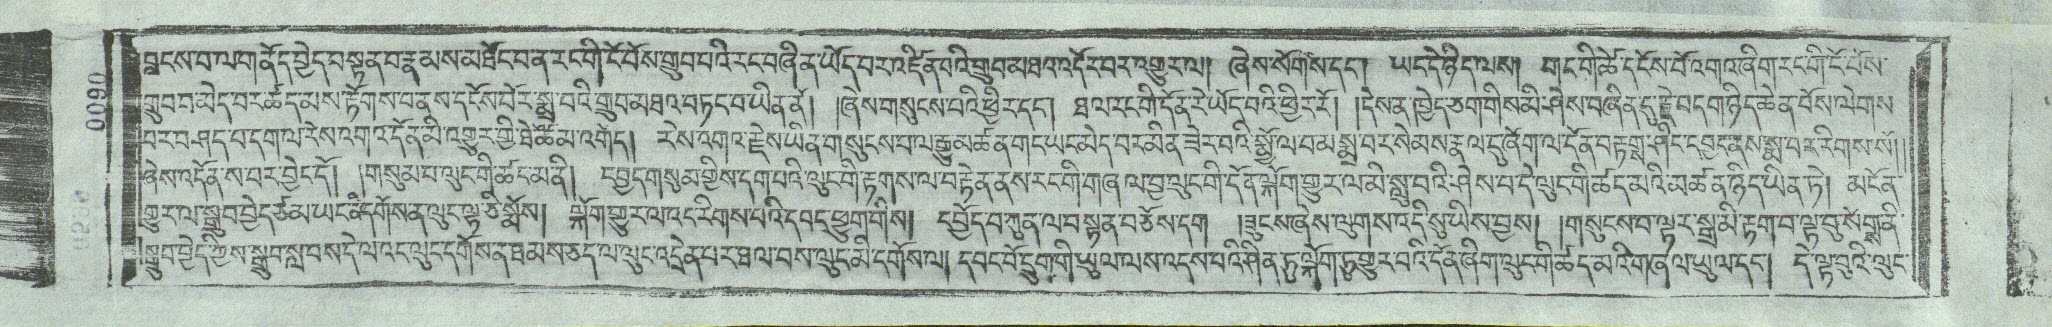བླངས་བ་ལ་གནོད་བྱེད་བསྟན་པ་རྣམས་མཐོང་བ་ན་རང་གི་ངོ་བོས་གྲུབ་པའི་རང་བཞིན་ཡོད་པར་འཛིན་པའི་གྲུབ་མཐའ་འདོར་བར་འགྱུར་ལ། ཞེས་སོགས་དང་། ཡང་དེ་ཉིད་ལས། གང་གི་ཚེ་དངོས་པོ་འགའ་ཞིག་རང་གི་ངོས་བོས་
གྲུབ་པ་མེད་པར་ཚད་མས་རྟོགས་པ་ནས་དངོས་པོར་སྨྲ་བའི་གྲུབ་མཐའ་བཏང་བ་ཡིན་ནོ། །ཞེས་གསུངས་པའི་ཕྱིར་དང་། ཐལ་རང་གི་དོན་རེ་ཡོད་པའི་ཕྱིར་རོ། །དེས་ན་ཁྱེད་ཅག་གིས་མི་ཤེས་བཞིན་དུ་རྗེ་བདག་ཉིད་ཆེན་པོས་ལེགས་
པར་བཤད་པ་དག་ལ་རེས་འགའ་དོན་མི་འགྱུར་གྱི་ཐེ་ཚོམ་འགོད། རེས་འགའ་རྗེས་ཡིན་གསུངས་པ་ལ་རྒྱུ་མཚན་གང་ཡང་མེད་པར་མིན་ཟེར་བའི་སྨྱོ་ལ་བ་མ་སྨྲ་བར་སེམས་རྣལ་དུ་ཞོག་ལ་དོན་བརྟགས་ཤིང་དབྱང་ནས་སྨ་བར་རིགས་སོ།།
ཞེས་འདོན་ས་པར་བྱེད་དོ། །གསུམ་པ་ལུང་གི་ཚང་མ་ནི། དཔྱད་གསུམ་གྱིས་དག་པའི་ལུང་གི་རྟགས་ལ་བརྟེན་ནས་རང་གི་གཞལ་བྱ་ལུང་གི་དོན་ལྐོག་གྱུར་ལ་མི་སླུ་བའི་ཤེས་པ་དེ་ལུང་གི་ཚད་མའི་མཚན་ཉིད་ཡིན་ཏེ། མངོན་
གྱུར་ལ་སྒྲུབ་བྱེད་ཙམ་ཡང་མི་དགོས་ན་ལུང་ལྟ་ཅི་སྨོས། ལྐོག་གྱུར་ལ་འང་རིགས་པའི་དབང་ཕྱུག་གིས། དཔྱོད་པ་ཀུན་ལ་བསྟན་བཅོས་དག །ཟུངས་ཞེས་ལུགས་འདི་སུ་ཡིས་བྱས། །གསུངས་པ་ལྟར་སྒྲ་མི་རྟག་པ་ལྟ་བུ་སོགས་ནི་
སྒྲུབ་བྱེད་ཀྱིས་སྒྲུབ་སླ་བས་དེ་ལའང་ལུང་དགོས་ན་ཐམས་ཅད་ལ་ལུང་འདྲེན་པར་ཐལ་བས་ལུང་མི་དགོས་ལ། དབང་པོ་དྲུག་གི་ཡུལ་ལས་འདས་པའི་ཤིན་ཏུ་ལྐོག་ཏུ་གྱུར་བའི་དོན་ཞིག་ལུང་གི་ཚད་མའི་གཞལ་ཡུལ་དང་། དེ་ལྟ་བུའི་ལུང་